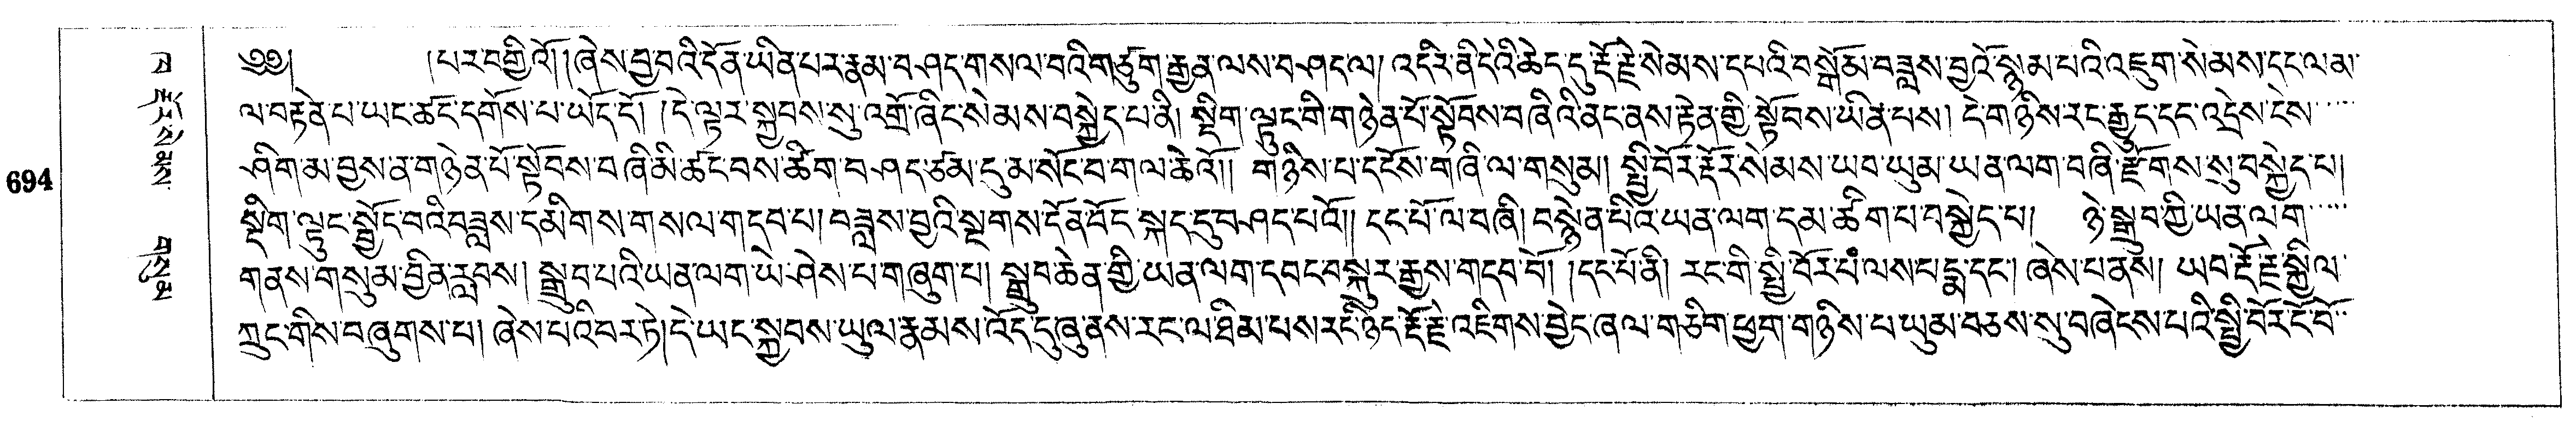༄༅། །པར་བགྱིའོ། །ཞེས་བྱ་བའི་དོན་ཡིན་པར་རྣམ་བཤད་གསལ་བའི་གཙུག་རྒྱན་ལས་བཤད་ལ། འདིར་ནི་དེའི་ཆེད་དུ་རྡོ་རྗེ་སེམས་དཔའི་བསྒོམ་བཟླས་བྱའོ་སྙམ་པའི་འཇུག་སེམས་དང་ལམ་
ལ་བརྟེན་པ་ཡང་ཚང་དགོས་པ་ཡོད་དོ། །དེ་ལྟར་སྐྱབས་སུ་འགྲོ་ཞིང་སེམས་བསྐྱེད་པ་ནི། སྡིག་ལྟུང་གི་གཉེན་པོ་སྟོབས་བཞིའི་ནང་ནས་རྟེན་གྱི་སྟོབས་ཡིན་པས། དེ་གཉིས་རང་རྒྱུད་དང་འདྲེས་ངེས་
ཤིག་མ་བྱས་ན་གཉེན་པོ་སྟོབས་བཞི་མི་ཚང་བས་ཚིག་བཤད་ཙམ་དུ་མ་སོང་བ་གལ་ཆེའོ། །གཉིས་པ་དངོས་གཞི་ལ་གསུམ། སྤྱི་བོར་རྡོར་སེམས་ཡབ་ཡུམ་ཡན་ལག་བཞི་རྫོགས་སུ་བསྐྱེད་པ།
སྡིག་ལྟུང་སྦྱོང་བའི་བཟླས་དམིགས་གསལ་གདབ་པ། བཟླས་བྱའི་སྔགས་དོན་བོད་སྐད་དུ་བཤད་པའོ། །དང་པོ་ལ་བཞི། བསྙེན་པའི་ཡན་ལག་དམ་ཚིག་པ་བསྐྱེད་པ། ཉེ་སྒྲུབ་ཀྱི་ཡན་ལག་
གནས་གསུམ་བྱིན་རླབས། སྒྲུབ་པའི་ཡན་ལག་ཡེ་ཤེས་པ་གཞུག་པ། སྒྲུབ་ཆེན་གྱི་ཡན་ལག་དབང་བསྐུར་རྒྱས་གདབ་བོ། །དང་པོ་ནི། རང་གི་སྤྱི་བོར་པཾ་ལས་པདམ་དང་། ཞེས་པ་ནས། ཡབ་རྡོ་རྗེ་སྐྱིལ་
ཀྲུང་གིས་བཞུགས་པ། ཞེས་པའི་བར་ཏེ། དེ་ཡང་སྐྱབས་ཡུལ་རྣམས་འོད་དུ་ཞུ་ནས་རང་ལ་ཐིམ་པས་རང་ཉིད་རྡོ་རྗེ་འཇིགས་བྱེད་ཞལ་གཅིག་ཕྱག་གཉིས་པ་ཡུམ་བཅས་སུ་བཞེངས་པའི་སྤྱི་བོར་ངོ་བོ་